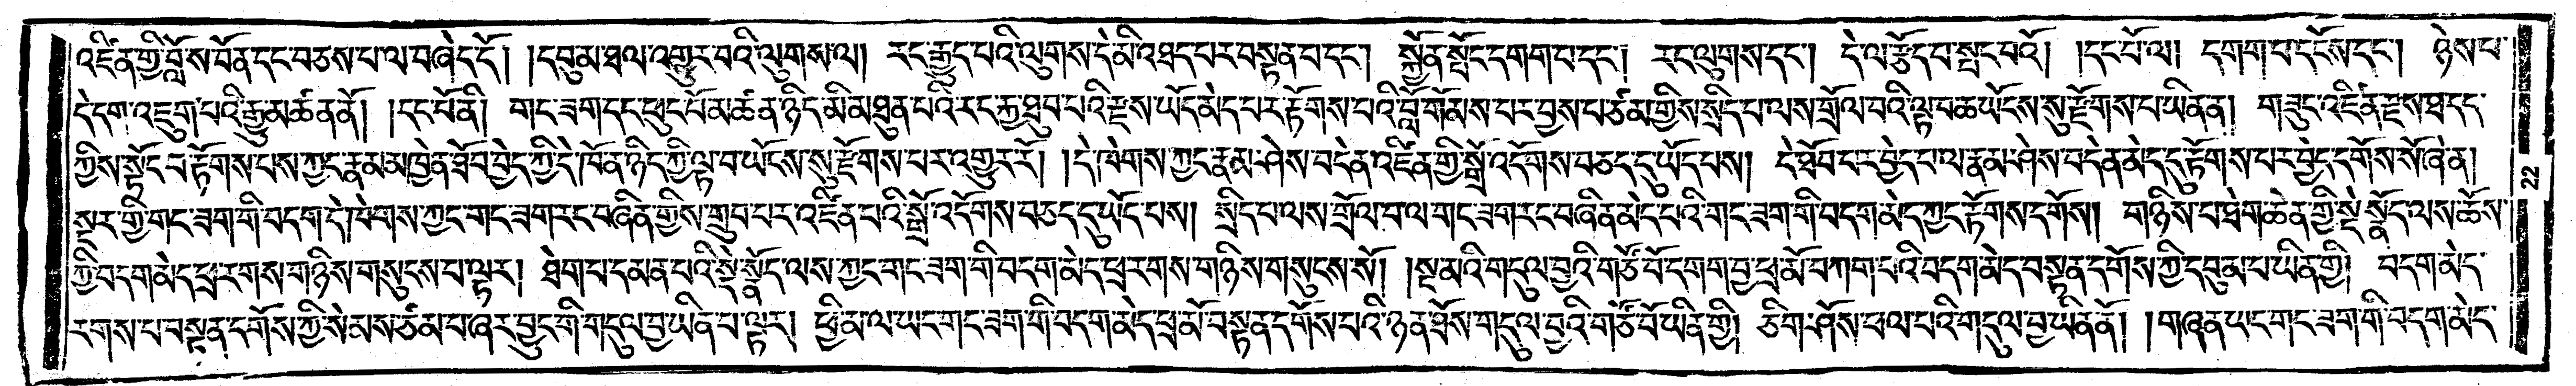འཛིན་གྱི་བློ་ས་བོན་དང་བཅས་པ་ལ་བཞེད་དོ། །དབུ་མ་ཐལ་འགྱུར་བའི་ལུགས་ལ། རང་རྒྱུད་པའི་ལུགས་དེ་མི་འཐད་པར་བསྟན་པ་དང་། སྐྱོན་སྤོང་དགག་པ་དང་། རང་ལུགས་དང་། དེ་ལ་རྩོད་པ་སྤང་བའོ། །དང་པོ་ལ། དགག་པ་དངོས་དང་། ཉེས་པ་
དེ་དག་འཇུག་པའི་རྒྱུ་མཚན་ནོ། །དང་པོ་ནི། གང་ཟག་དང་ཕུང་པོ་མཚན་ཉིད་མི་མཐུན་པའི་རང་རྐྱ་ཐུབ་པའི་རྫས་ཡོད་མེད་པར་རྟོགས་པའི་བློ་གོམས་པར་བྱས་པ་ཙམ་གྱིས་སྲིད་པ་ལས་གྲོལ་བའི་ལྟ་བ་ཆ་ཡོངས་སུ་རྫོགས་པ་ཡིན་ན། གཟུང་འཛིན་རྫས་ཐ་དད་
ཀྱིས་སྟོང་བ་རྟོགས་པས་ཀྱང་རྣམ་མཁྱེན་ཐོབ་བྱེད་ཀྱི་དེ་ཁོ་ན་ཉིད་ཀྱི་ལྟ་བ་ཡོངས་སུ་རྫོགས་པར་འགྱུར་རོ། །དེ་ཁེགས་ཀྱང་རྣམ་ཤེས་བདེན་འཛིན་གྱི་སྒྲོ་འདོགས་བཅད་དུ་ཡོད་པས། དེ་ཐོབ་པར་བྱེད་པ་ལ་རྣམ་ཤེས་བདེན་མེད་དུ་རྟོགས་པར་བྱེད་དགོས་སོ་ཞེ་ན།
སྔར་གྱི་གང་ཟག་གི་བདག་དེ་ཁེགས་ཀྱང་གང་ཟག་རང་བཞིན་གྱིས་གྲུབ་པར་འཛིན་པའི་སྒྲོ་འདོགས་བཅད་དུ་ཡོད་པས། སྲིད་པ་ལས་གྲོལ་བ་ལ་གང་ཟག་རང་བཞིན་མེད་པའི་གང་ཟག་གི་བདག་མེད་ཀྱང་རྟོགས་དགོས། གཉིས་པ་ཐེག་ཆེན་གྱི་སྡེ་སྣོད་ལས་ཆོས་
ཀྱི་བདག་མེད་ཕྲ་རགས་གཉིས་གསུངས་པ་ལྟར། ཐེག་པ་དམན་པའི་སྡེ་སྣོད་ལས་ཀྱང་གང་ཟག་གི་བདག་མེད་ཕྲ་རགས་གཉིས་གསུངས་སོ། །སྔ་མའི་གདུལ་བྱའི་གཙོ་བོ་དགག་བྱ་ཕྲ་མོ་བཀག་པའི་ཨབདག་མེད་བསྟན་དགོས་ཀྱི་དབུ་མ་པ་ཡིན་གྱི། བདག་མེད་
རགས་པ་བསྟན་དགོས་ཀྱི་སེམས་ཙམ་པ་ཞར་བྱུང་གི་གདུལ་བྱ་ཡིན་པར་ལྟར། ཕྱི་མ་ལ་ཡང་གང་ཟག་གི་བདག་མེད་ཕྲ་མོ་བསྟན་དགོས་པའི་ཉན་ཐོས་གདུལ་བྱའི་གཙོ་བོ་ཡིན་གྱི། ཅིག་ཤོས་ཕལ་པའི་གདུལ་བྱ་ཡིན་ནོ། །གཞན་ཡང་གང་ཟག་གི་བདག་མེད་